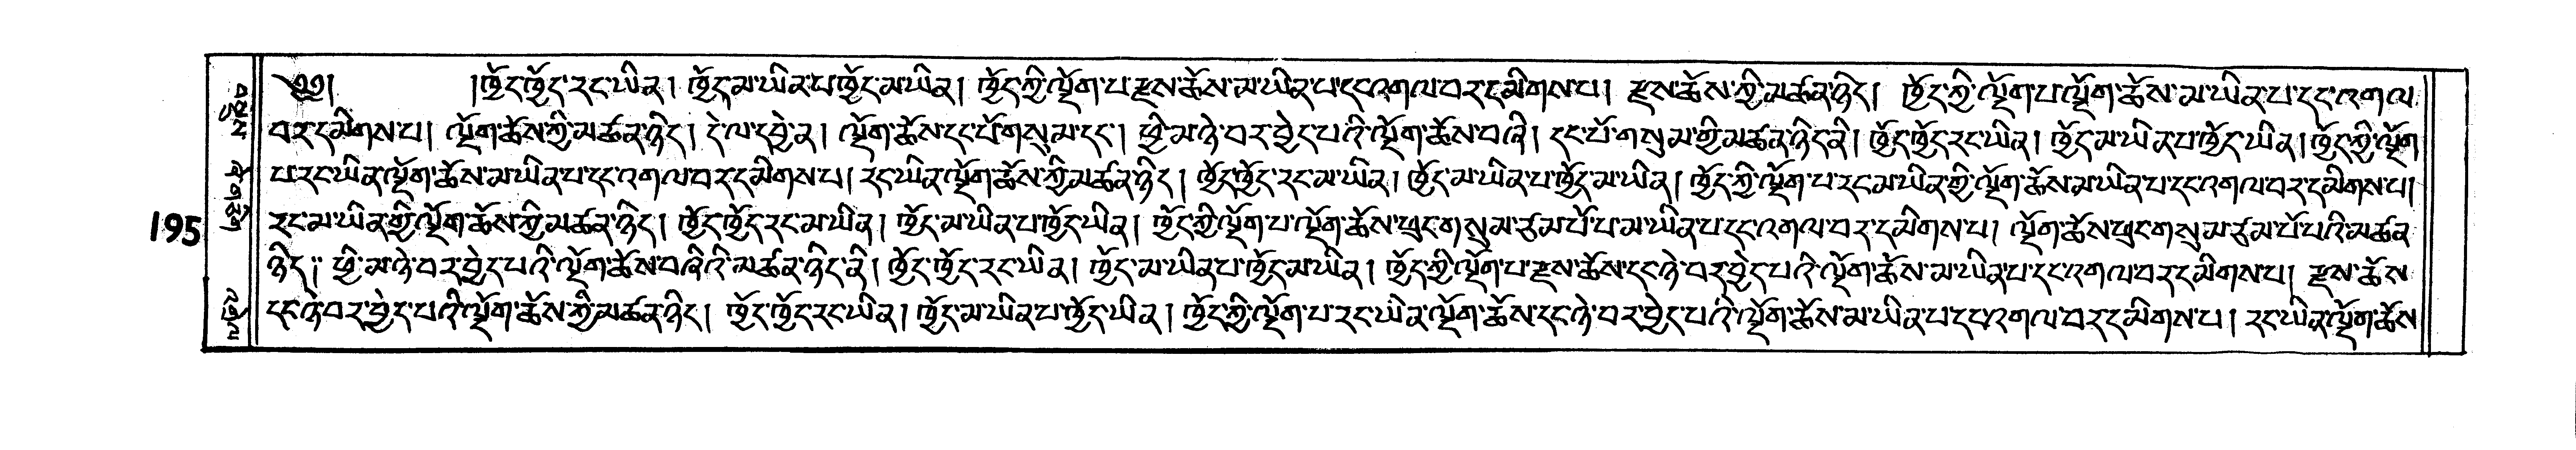༄༅། །ཁྱོད་ཁྱོད་རང་ཡིན། ཁྱོད་མ་ཡིན་པ་ཁྱོད་མ་ཡིན། ཁྱོད་ཀྱི་ལྡོག་པ་རྫས་ཆོས་མ་ཡིན་པ་དང་འགལ་བར་དམིགས་པ། རྫས་ཆོས་ཀྱི་མཚན་ཉིད། ཁྱོད་ཀྱི་ལྡོག་པ་ལྡོག་ཆོས་མ་ཡིན་པ་དང་འགལ་
བར་དམིགས་པ། ལྡོག་ཆོས་ཀྱི་མཚན་ཉིད། དེ་ལ་དབྱེ་ན། ལྡོག་ཆོས་དང་པོ་གསུམ་དང་། ཕྱི་མ་ཉེ་བར་བྱེད་པའི་ལྡོག་ཆོས་བཞི། དང་པོ་གསུམ་གྱི་མཚན་ཉིད་ནི། ཁྱོད་ཁྱོད་རང་ཡིན། ཁྱོད་མ་ཡིན་པ་ཁྱོད་ཡིན། ཁྱོད་ཀྱི་ལྡོག་
པ་རང་ཡིན་ལྡོག་ཆོས་མ་ཡིན་པ་དང་འགལ་བར་དམིགས་པ། རང་ཡིན་ལྡོག་ཆོས་ཀྱི་མཚན་ཉིད། ཁྱོད་ཁྱོད་རང་མ་ཡིན། ཁྱོད་མ་ཡིན་པ་ཁྱོད་མ་ཡིན། ཁྱོད་ཀྱི་ལྡོག་པ་རང་མ་ཡིན་གྱི་ལྡོག་ཆོས་མ་ཡིན་པ་དང་འགལ་བར་དམིགས་པ།
རང་མ་ཡིན་གྱི་ལྡོག་ཆོས་ཀྱི་མཚན་ཉིད། ཁྱོད་ཁྱོད་རང་མ་ཡིན། ཁྱོད་མ་ཡིན་པ་ཁྱོད་ཡིན། ཁྱོད་ཀྱི་ལྡོག་པ་ལྡོག་ཆོས་ཕུང་གསུམ་ཙམ་པོ་པ་མ་ཡིན་པ་དང་འགལ་བར་དམིགས་པ། ལྡོག་ཆོས་ཕུང་གསུམ་ཙམ་པོ་པའི་མཚན་
ཉིད༑ ཕྱི་མ་ཉེ་བར་བྱེད་པའི་ལྡོག་ཆོས་བཞིའི་མཚན་ཉིད་ནི། ཁྱོད་ཁྱོད་རང་ཡིན། ཁྱོད་མ་ཡིན་པ་ཁྱོད་མ་ཡིན། ཁྱོད་ཀྱི་ལྡོག་པ་རྫས་ཆོས་དང་ཉེ་བར་བྱེད་པའི་ལྡོག་ཆོས་མ་ཡིན་པ་དང་འགལ་བར་དམིགས་པ། རྫས་ཆོས་
དང་ཉེ་བར་བྱེད་པའི་ལྡོག་ཆོས་ཀྱི་མཚན་ཉིད། ཁྱོད་ཁྱོད་རང་ཡིན། ཁྱོད་མ་ཡིན་པ་ཁྱོད་ཡིན། ཁྱོད་ཀྱི་ལྡོག་པ་རང་ཡིན་ལྡོག་ཆོས་དང་ཉེ་བར་བྱེད་པའི་ལྡོག་ཆོས་མ་ཡིན་པ་དང་འགལ་བར་དམིགས་པ། རང་ཡིན་ལྡོག་ཆོས་